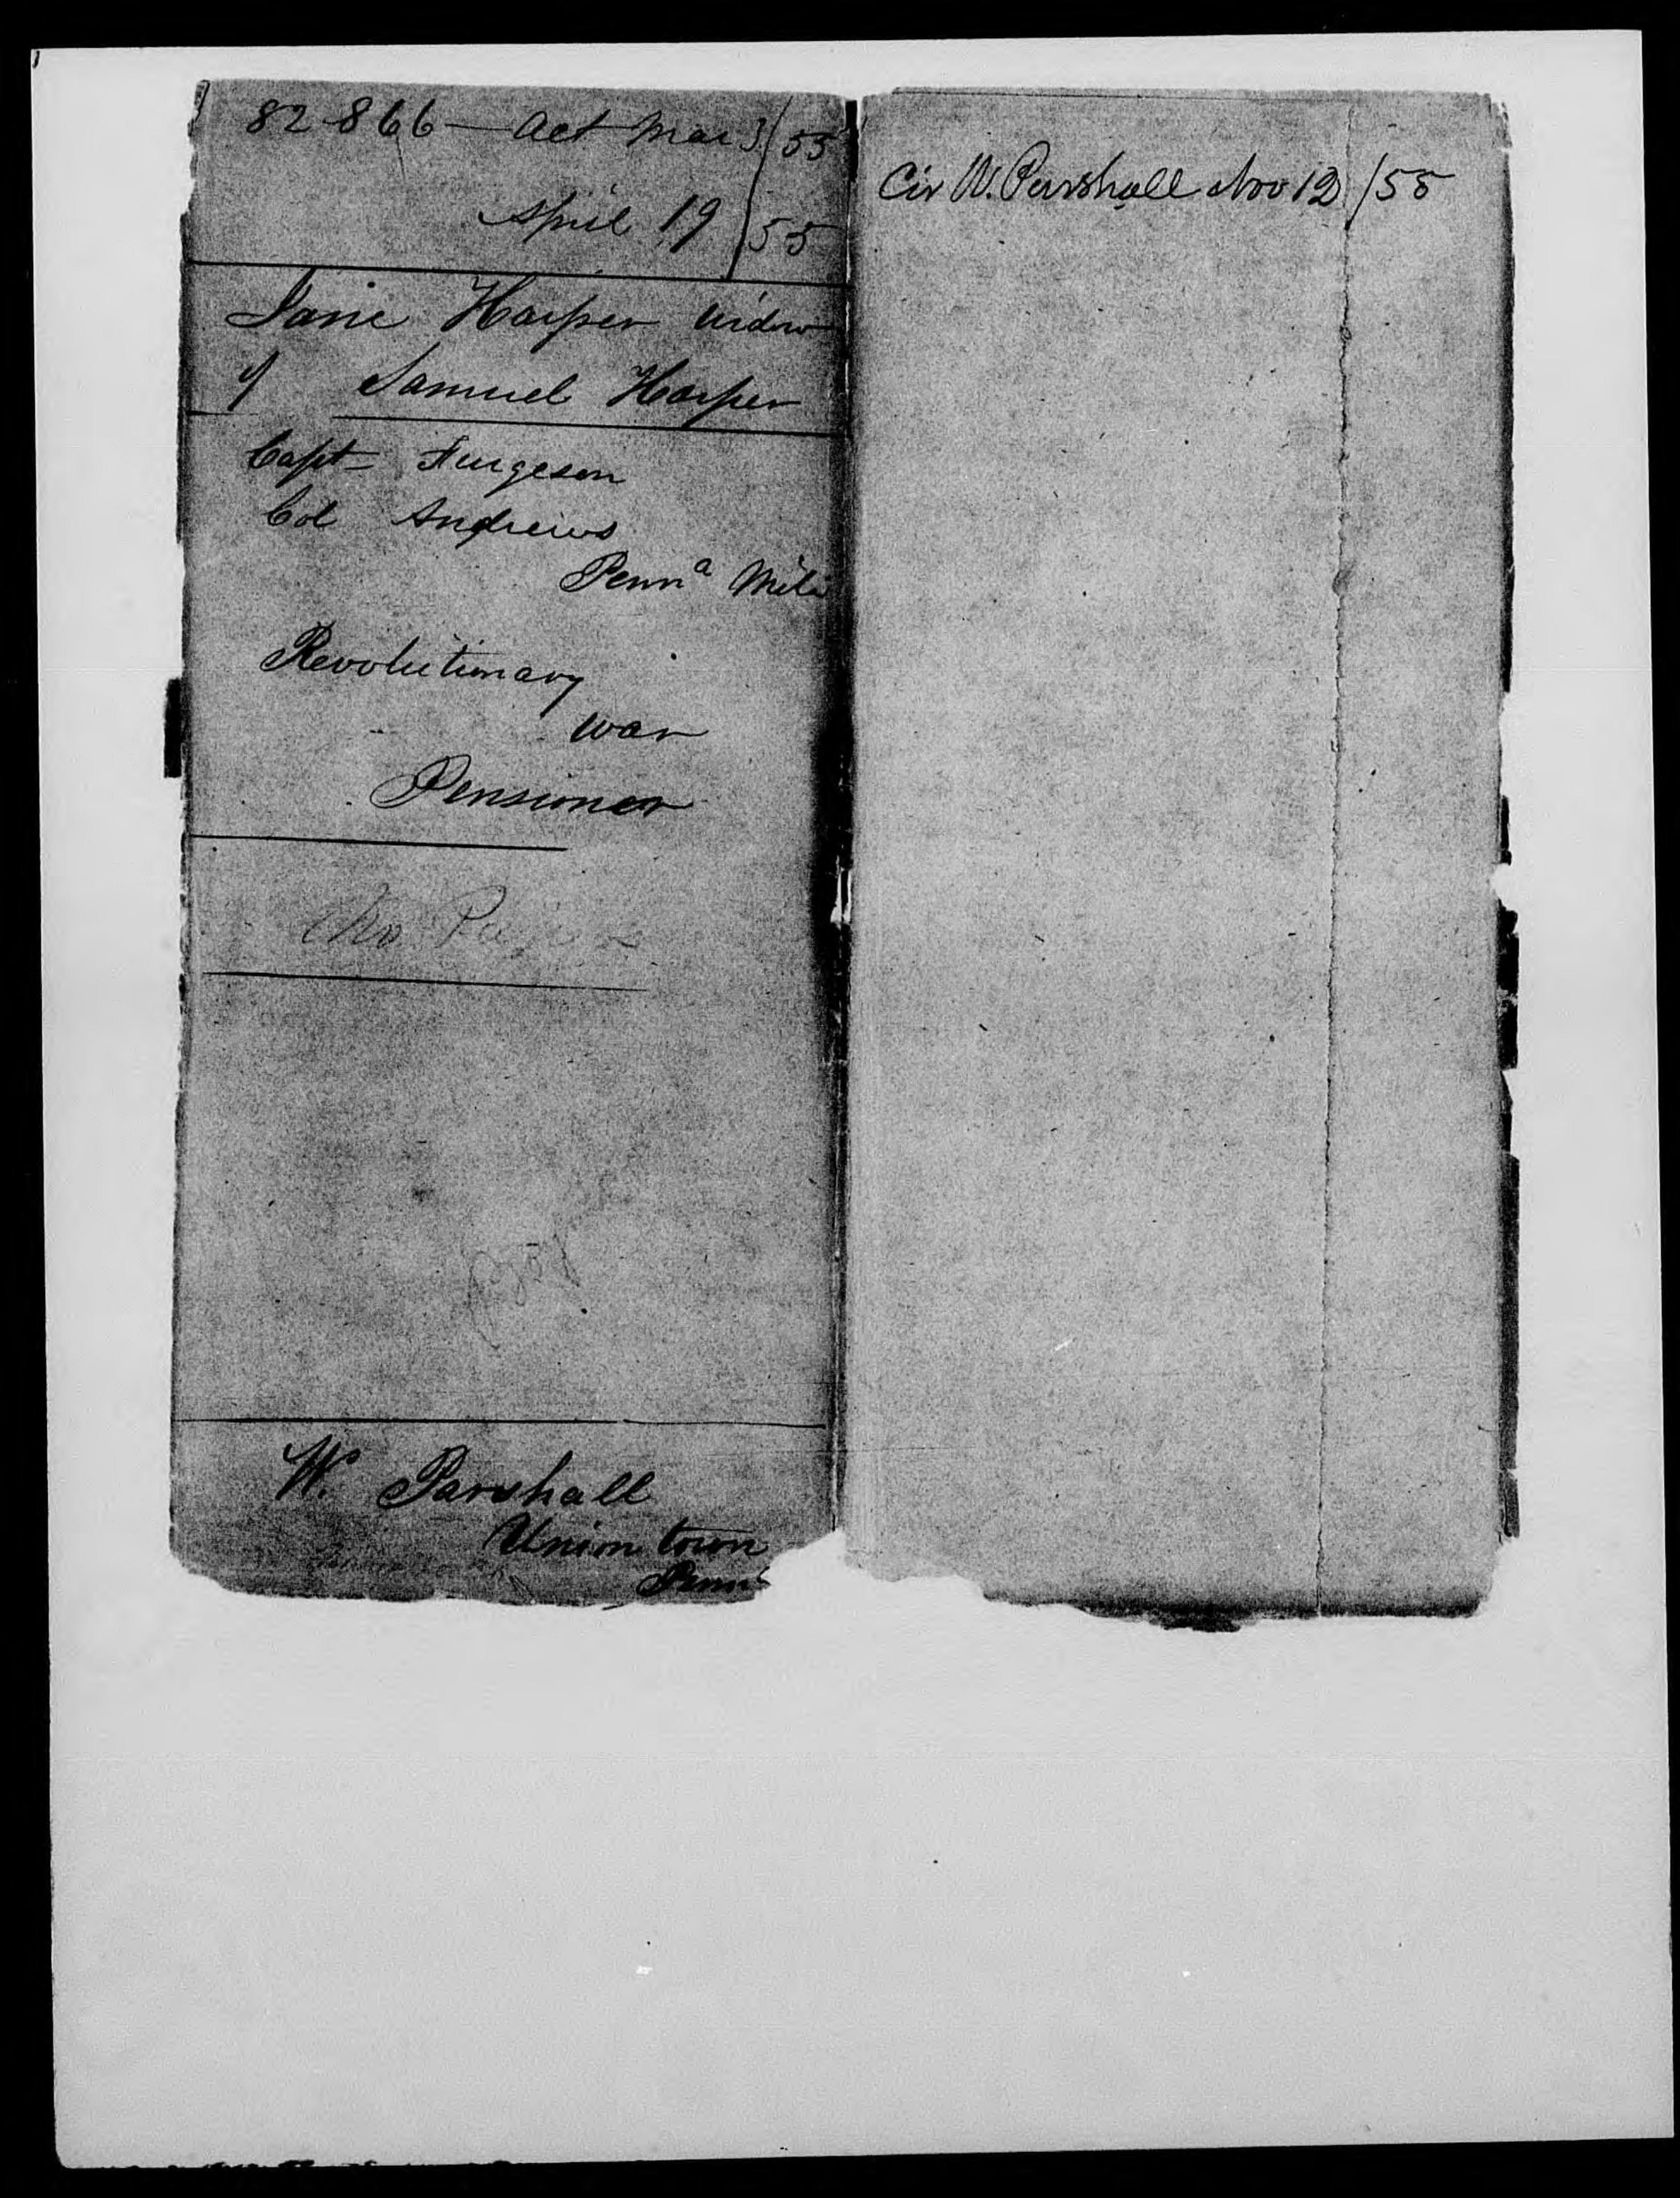82866 - Act Mar 3/53 April 19/55
Jane Harper Widow
of Samuel Harper
Capt Furgeson
Col Andrews
Penna Mili
Revolutionary War
Pensioner
W. Parshall 
Unionton Penn
Cir W. Parshall Nov 12 155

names: Furgeson, Andrews, W Parshall, Jane Harper, W Parshall, Samuel Harper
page: 65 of 81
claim: survivor's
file: S. 1908, Richard Harper, N.C.